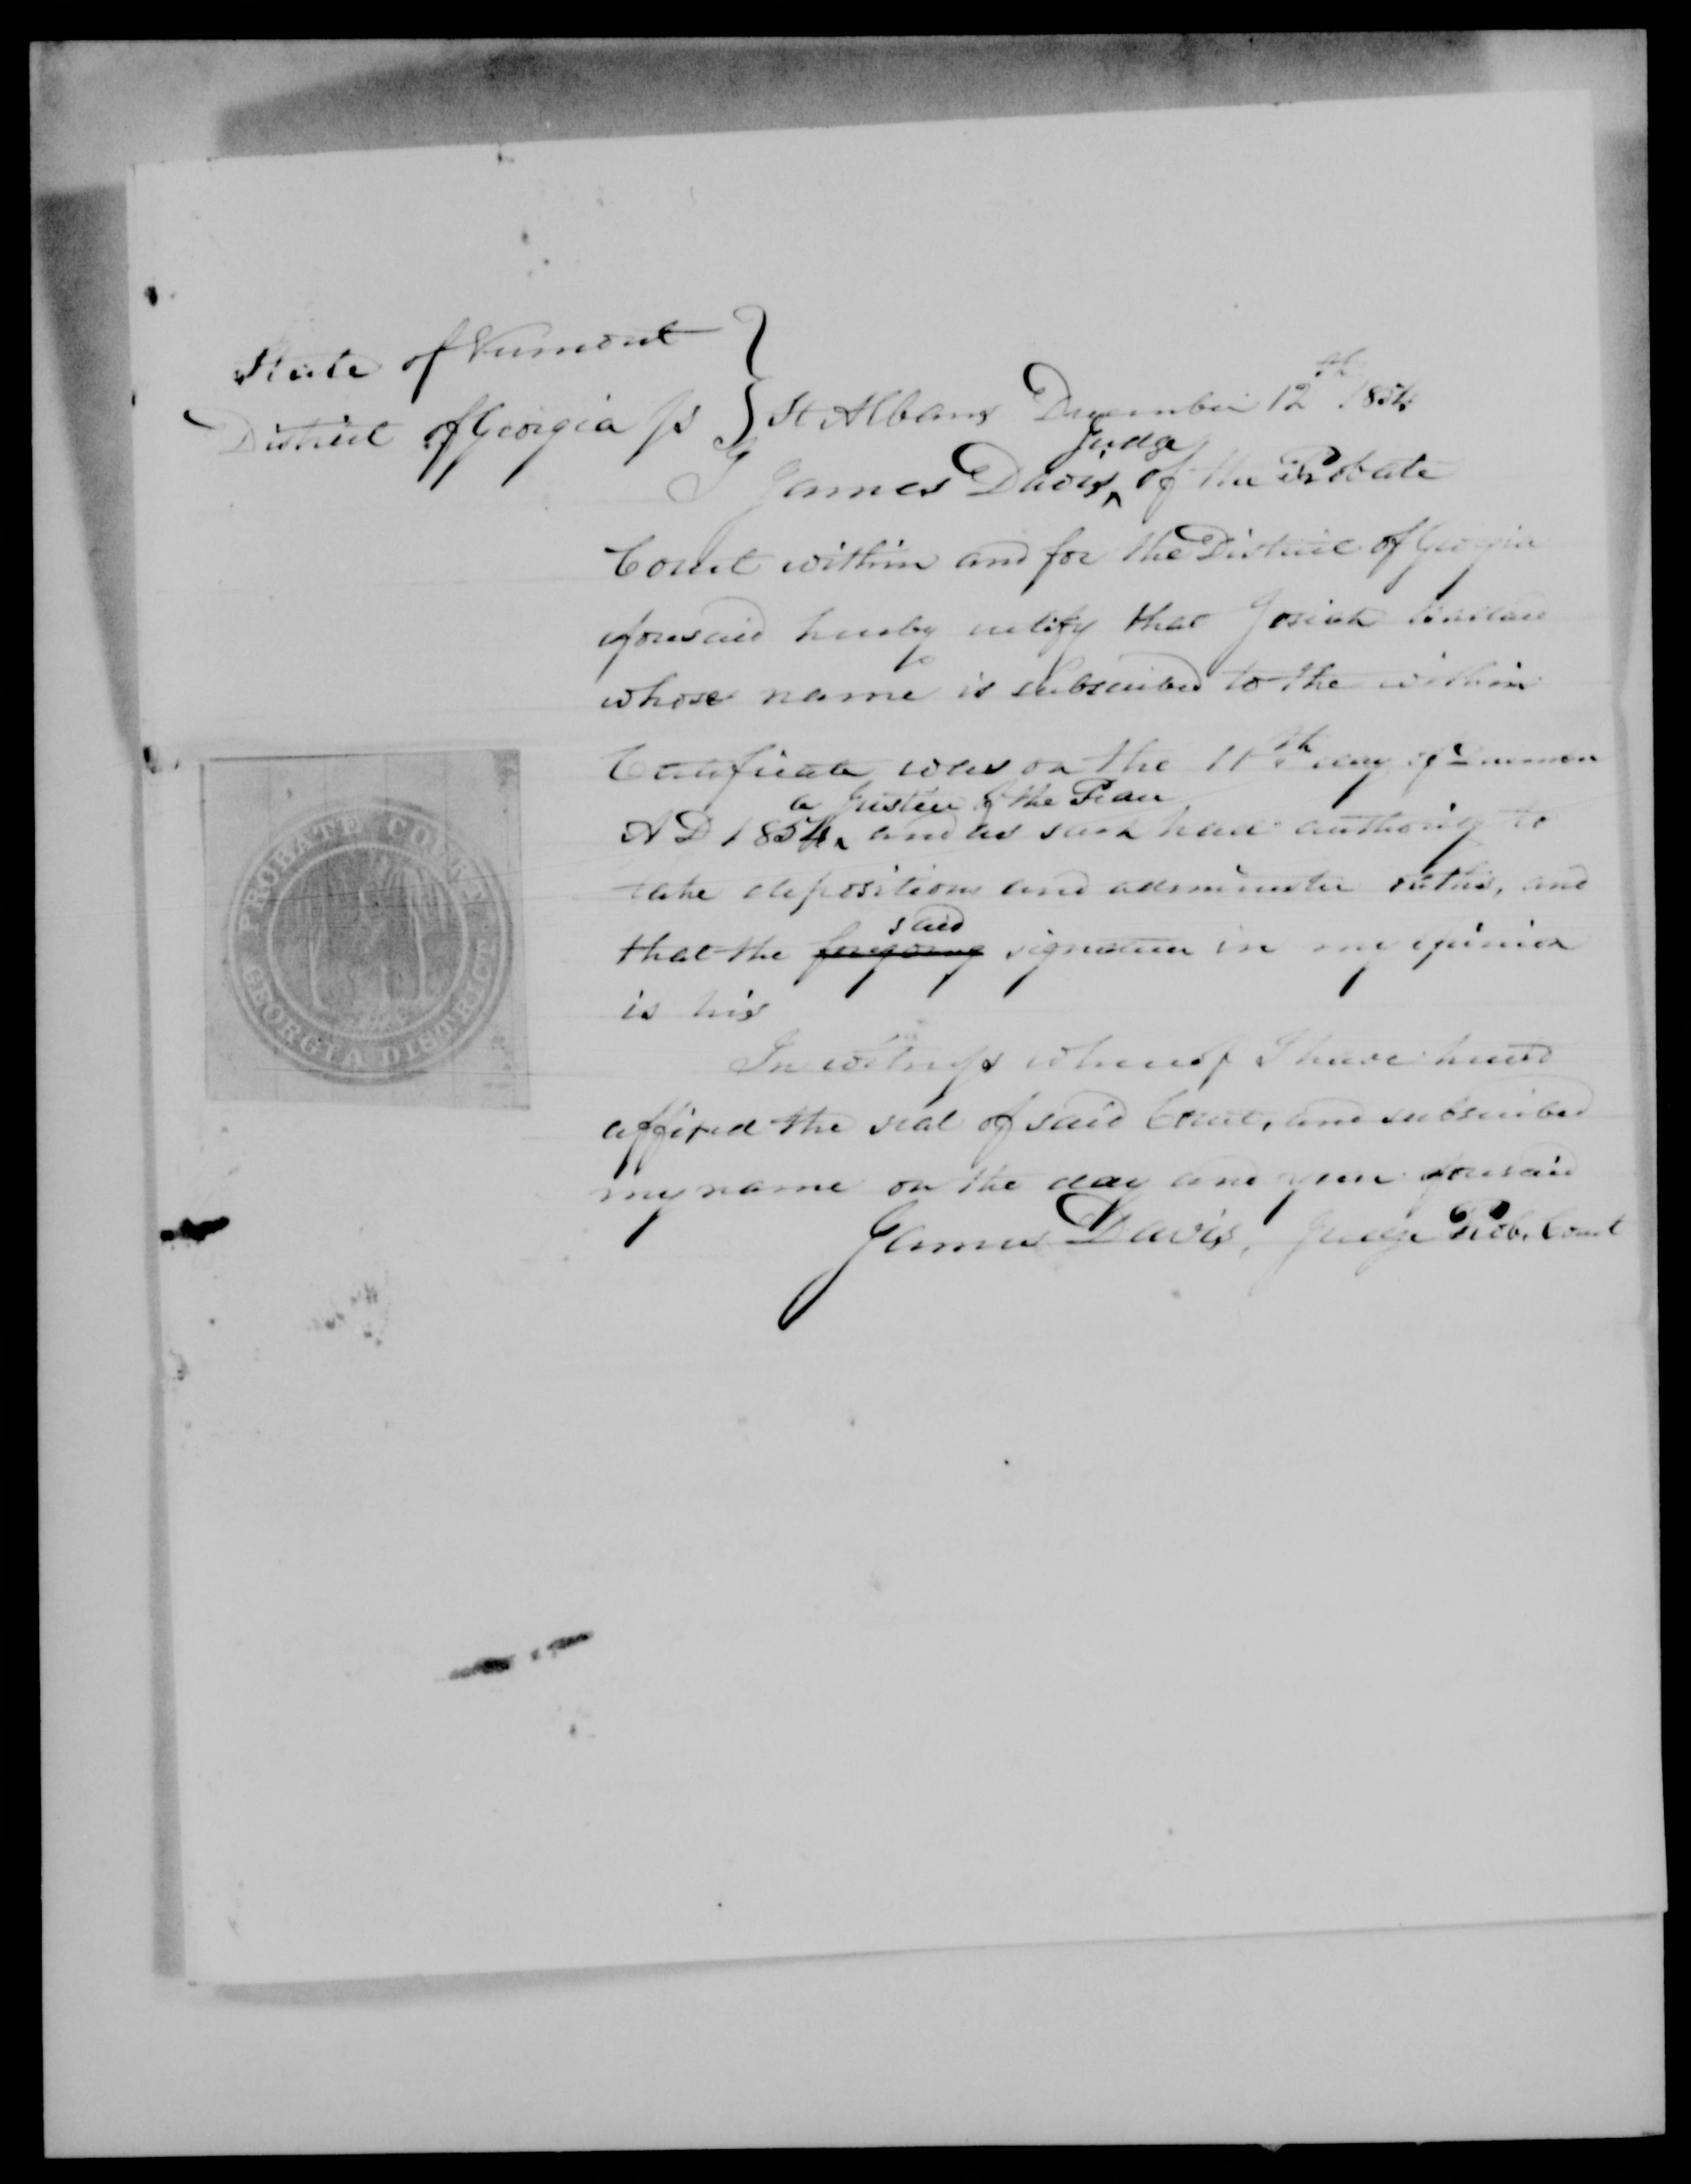State of Vermont
District of Georgia SS
St. Albans December 12th 1854
I James Davis, ^Judge^ of the Probate Court within and for the District of Georgia aforesaid hereby certify that Josiah Ballard whose name is subscribed to the within Certificate was on the 11th day of December A. D. 1854 ^a Justice of the Peace^ and as such had authority to take deposition and administer oaths and that the said signature in my opinion is his.

(seal-Probate Court Georgia District)

In testimony whereof I have hereto affixed the seal of said Court and subscribed my name on the day and year aforesaid.
James Davis, Judge of Prob. Court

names: Josiah Ballard, James Davis, James Davis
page: 47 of 64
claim: widow's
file: W. 5831, Edmund Town, Mass.